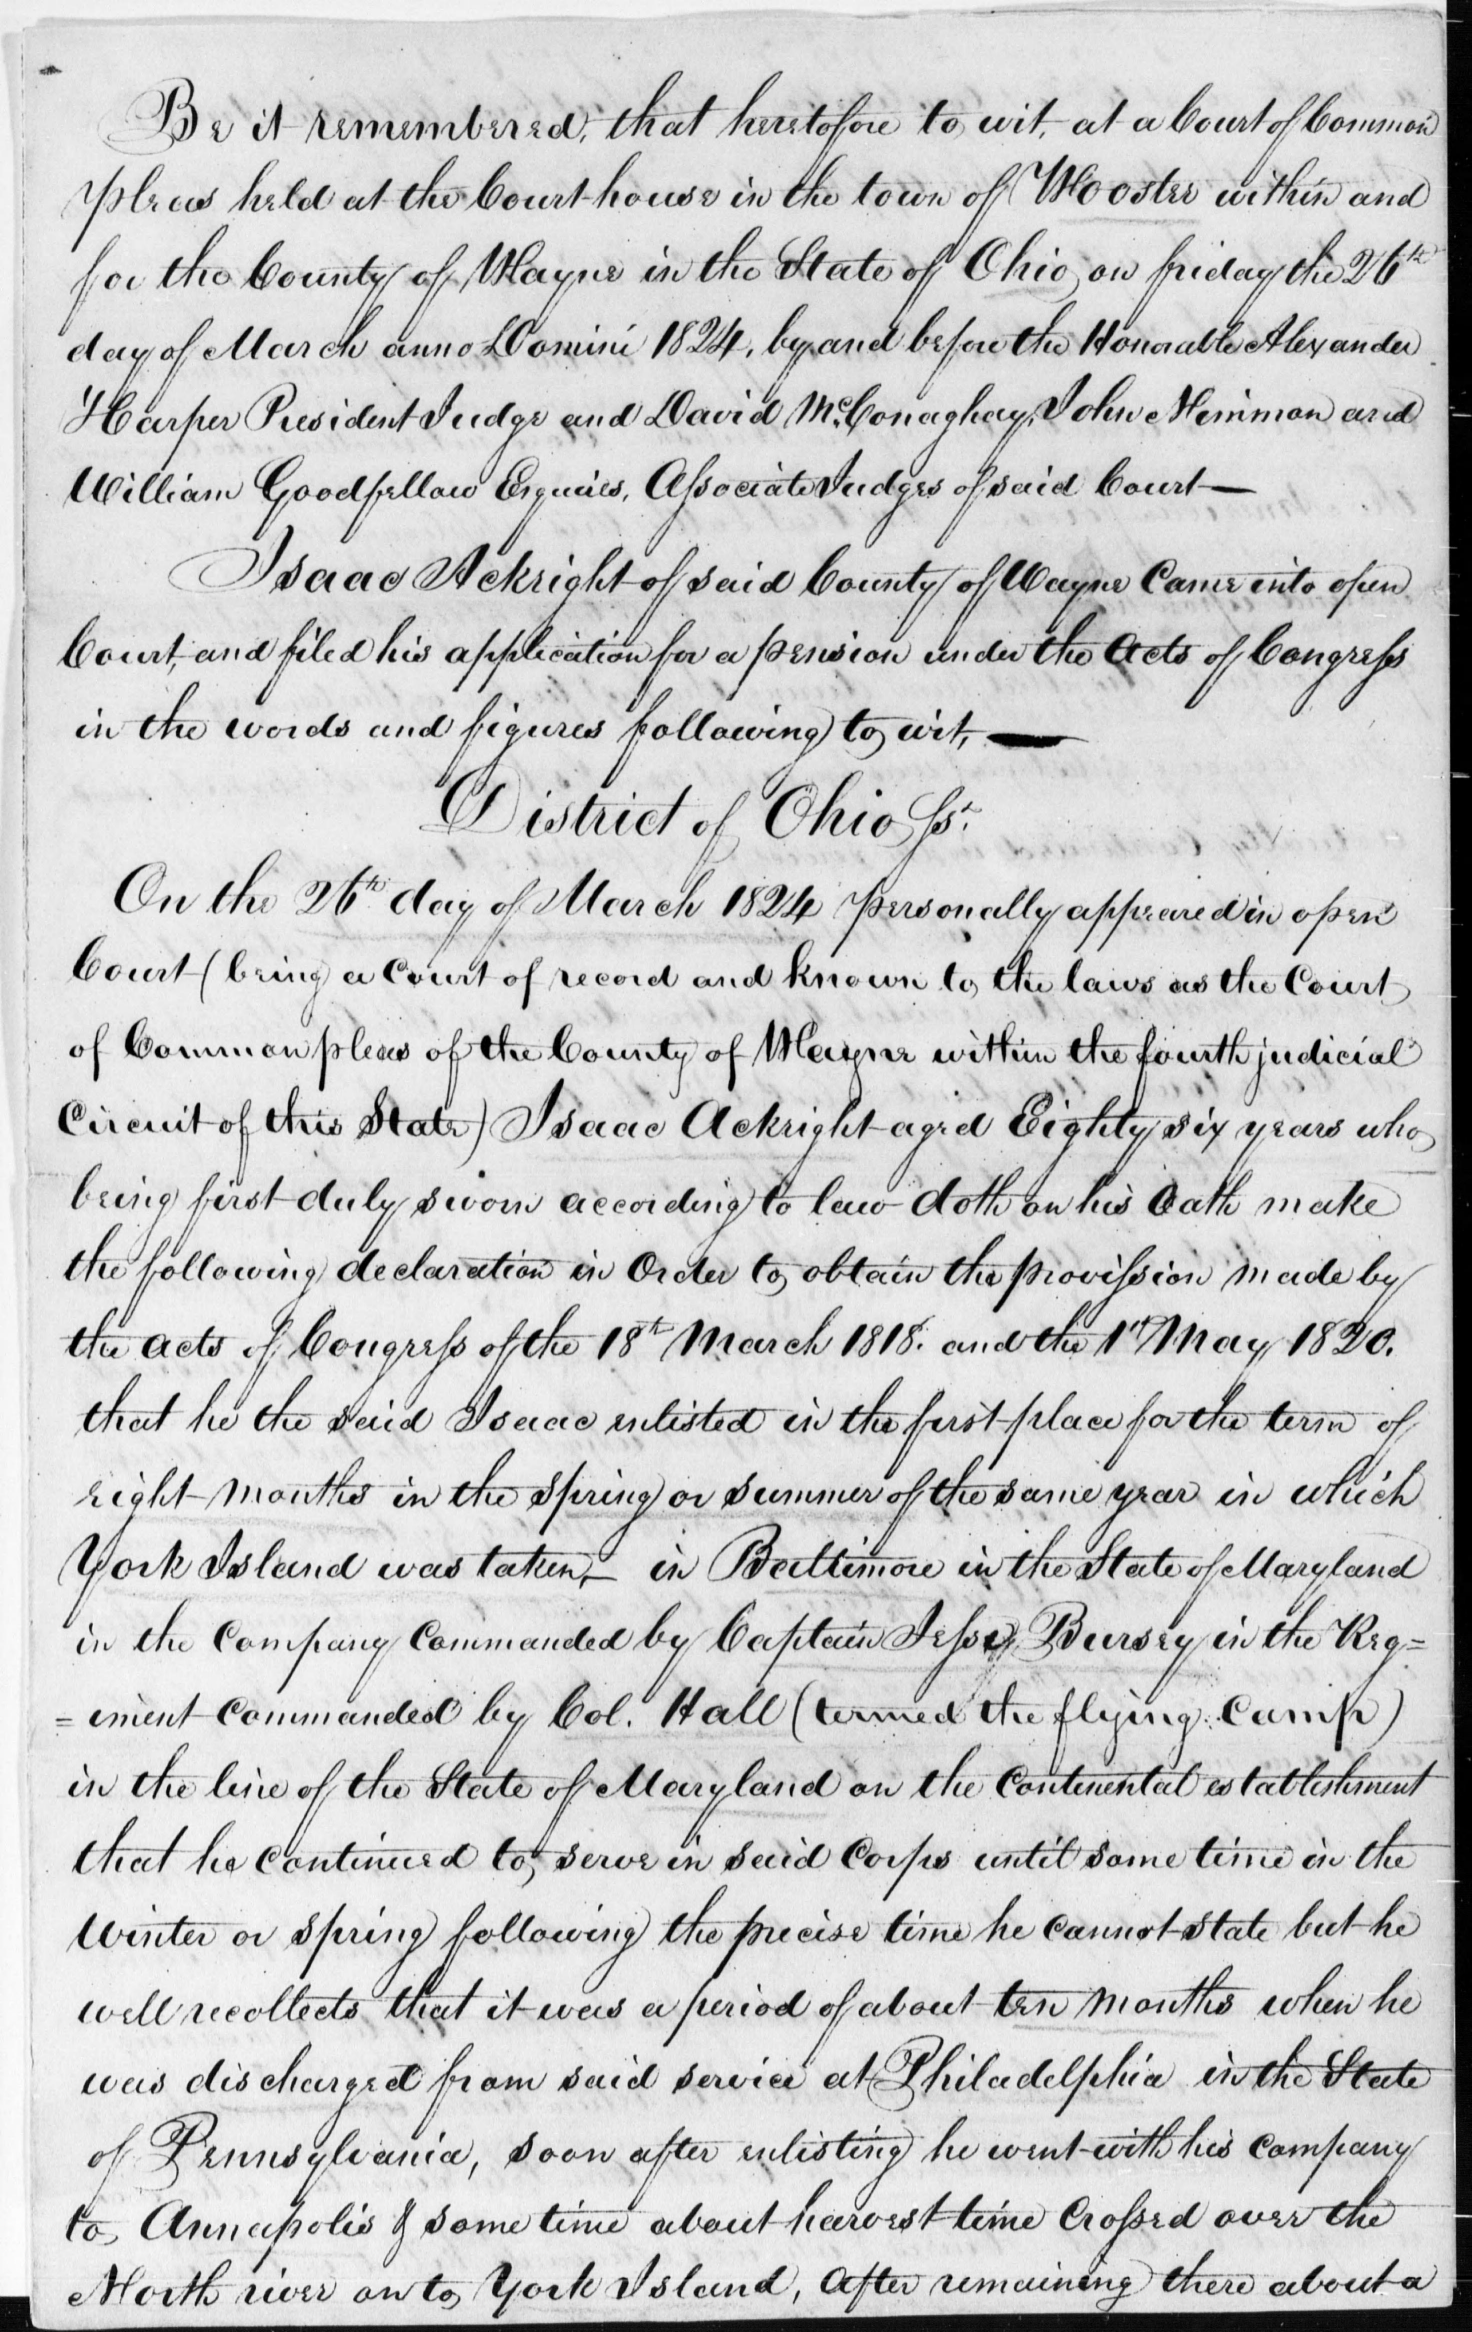Be it remembered, that heretofore to wit, at a Court of Common pleas held at the Court-house in the town of Wooster within and for the County of Wayne in the State of Ohio, on friday the 26th day of March anno Domini 1824, by and before the Honorable Alexander Harper President Judge and David McConaghay, John Merriman and William Goodfellow Esquires, Associate Judges of said Court--
Isaac Ackright of said County of Wayne Came into open Court and filed his application for a pension under the Acts of Congress in the words and figures following to wit, 
District of Ohio, Ss.
On the 26th day of March 1824 personally appeared in open Court (being a Court of record and known to the laws as the Court of Common pleas of the County of Wayne within the fourth judicial Circuit of this State) Isaac Ackright aged Eighty six years who being first duly sworn according to law doth on his Oath make the following declaration in Order to obtain the provission made by the acts of Congress of the 18th March 1818. and the 1" May 1820. that he the said Isaac enlisted in the first place for the term of eight-months in the Spring or Summer of the same year in which York Island was taken, in Baltimore in the State of Maryland in the Company Commanded by Captain Jesse Bursey in the Regiment Commanded by Col. Hall (termed the flying Camp) in the line of the State of Maryland on the Continental establishment that he continued to, serve  in Said Corps until some time in the Winter or Spring following the precise time he cannot State but he well recollects that it was a period of about ten months when he was discharged from said service at Philadelphia in the State of Pennsylvania, soon after enlisting he went with his company to Annapolis & sometime about harvest time Crossed over the North river on to York Island, After remaining there about a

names: Alexander Harper, John Merriman, William Goodfellow, David Mc Conaghay, Isaac Ackright, Isaac Ackright, Jesse Bursey, Hall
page: 5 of 15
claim: rejected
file: R. 22, Isaac Ackright, Md.